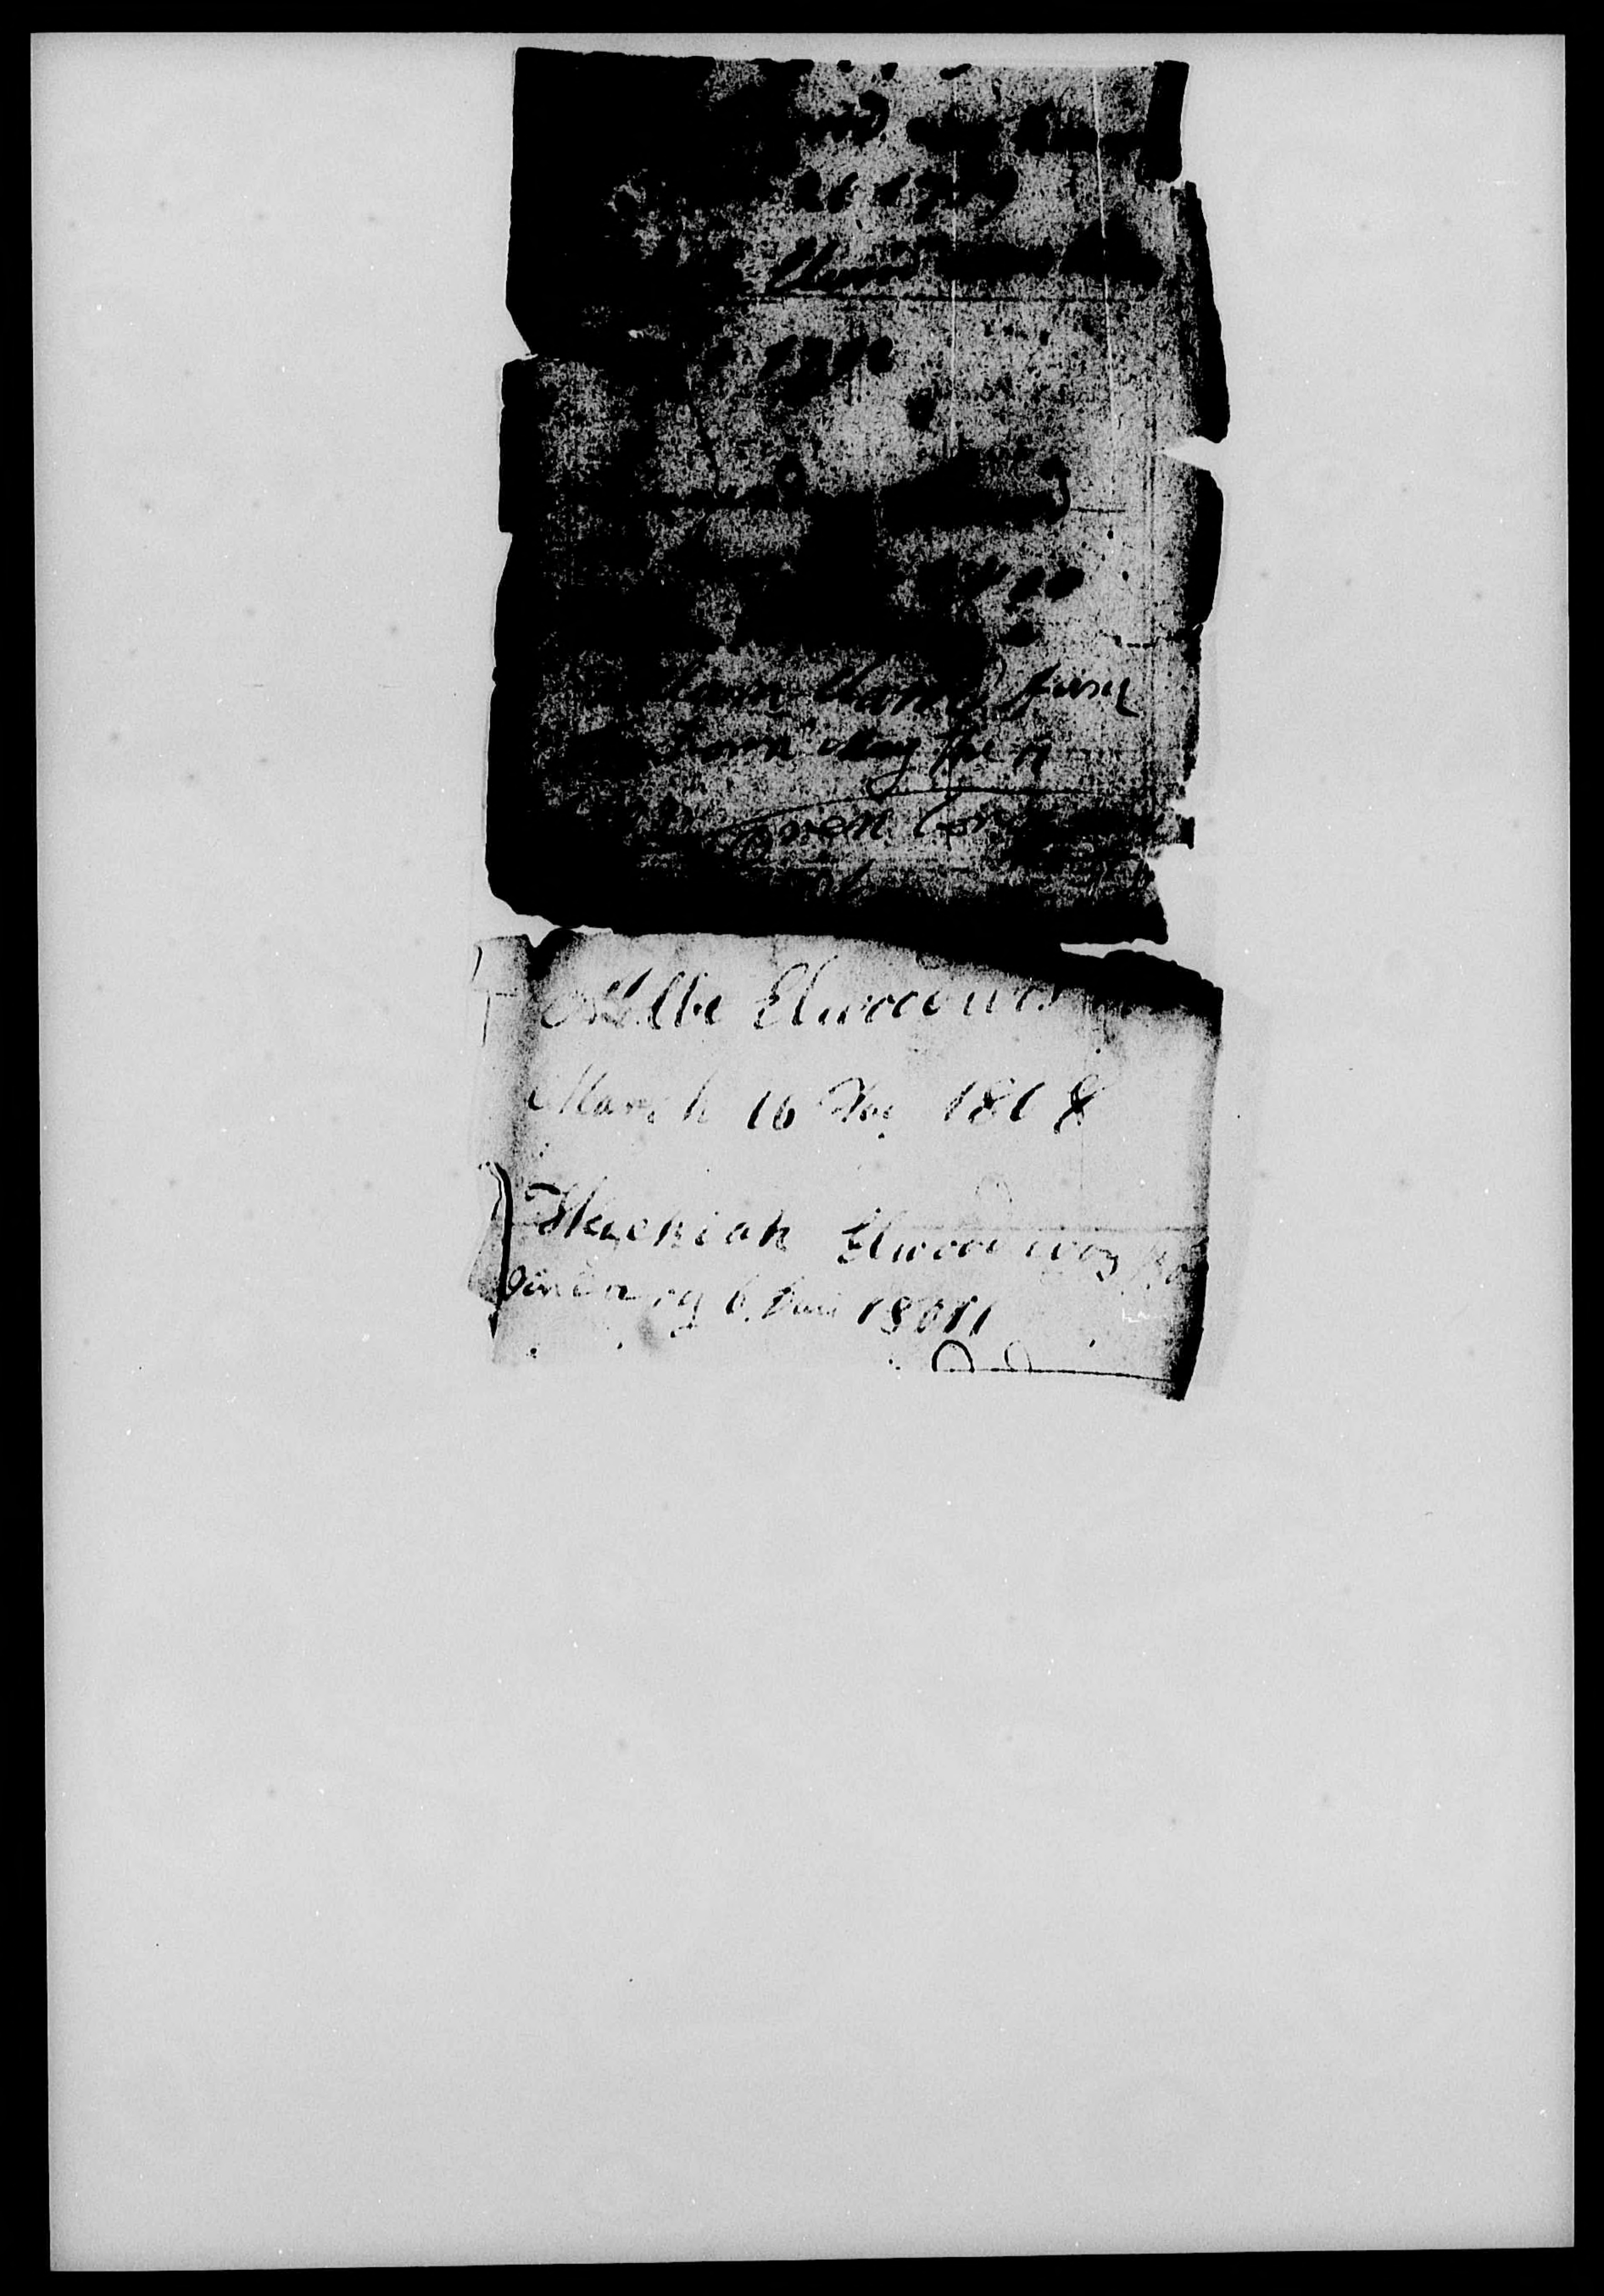Melbe Elwood March16th 1808 
Hezekiah Elwood January 6 1801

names: Melbe Elwood, Hezekiah Elwood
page: 6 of 69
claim: widow's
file: W. 25562, Abijah Elwood, Conn.